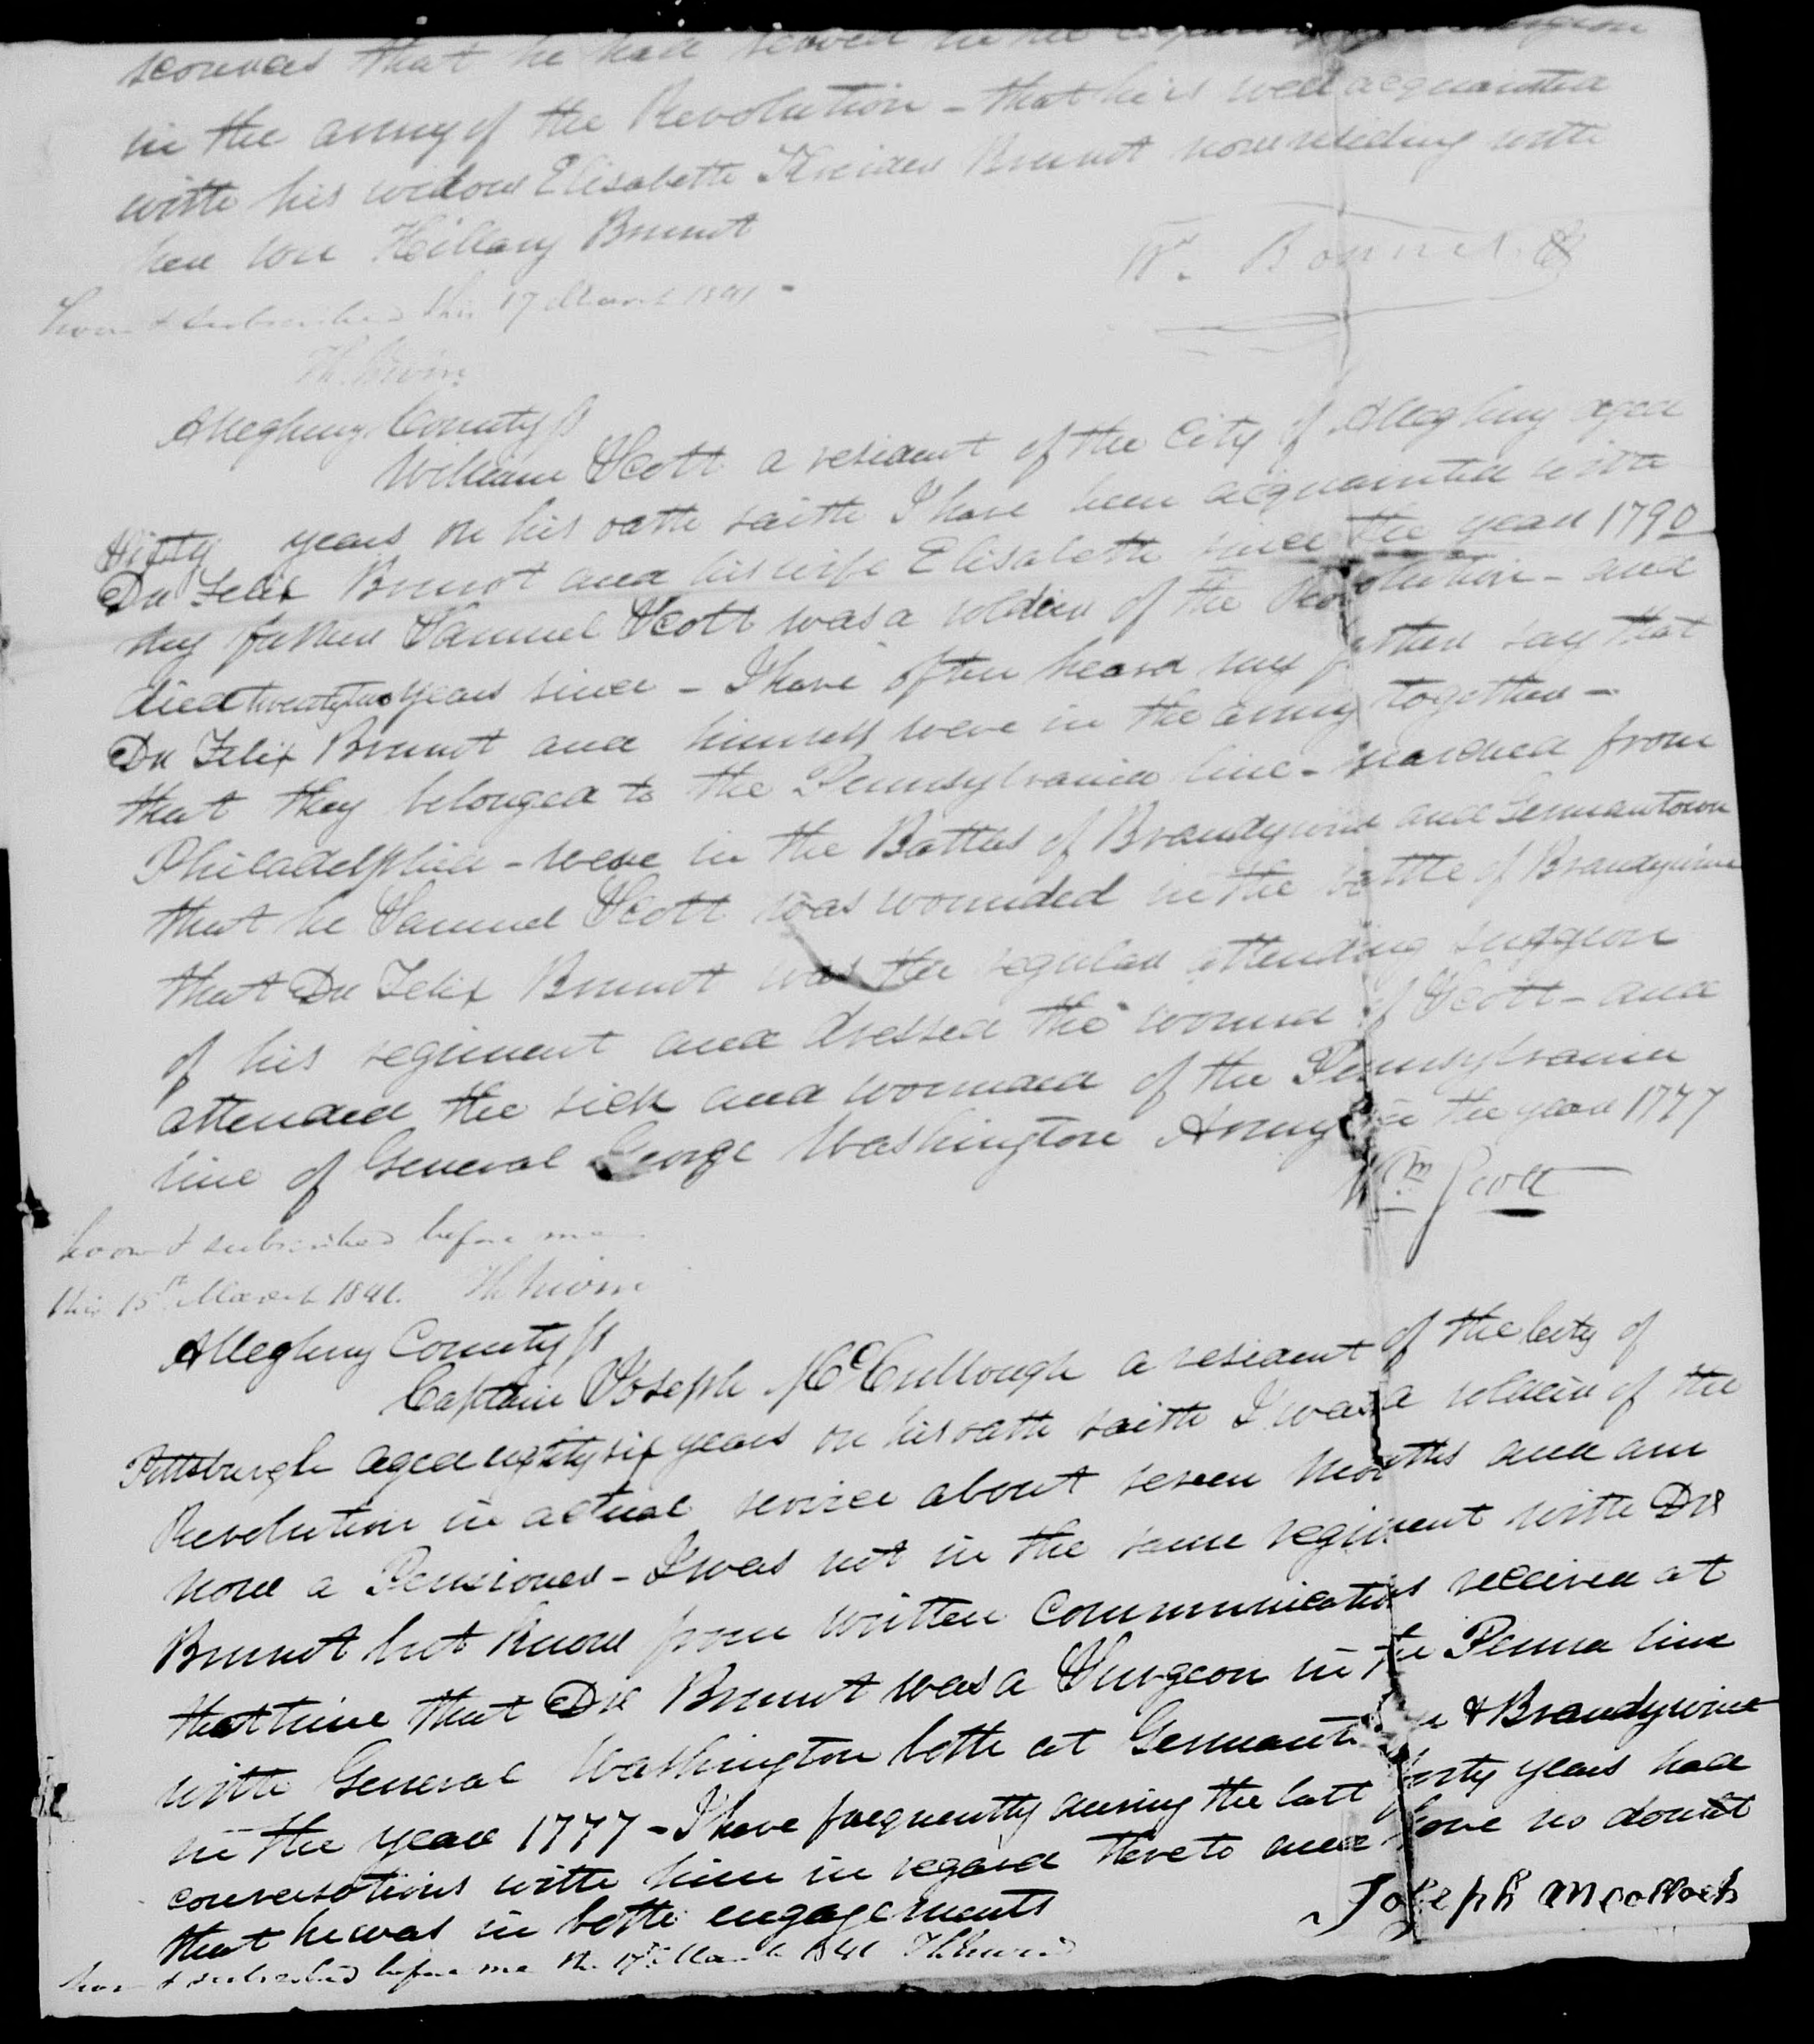in the army of the Revolution - that he is well acquainted with this widow Elisabeth Kreider Brunot now residing with her son Hillary Brunot.
Sworn and subscribed the 17 March 1841 [signature of H. Bonnet]
Th. Irwin
Allegheny County P
William Scott a resident of the City of Allegheny aged fifty years on his oath saith I have been acquainted with dr. Felix Brunot and his wife Elisabeth since the year 1790. My father Samuel Scott was a soldier of the Revolution - and died twenty two years since - I have often heard say father say that Dr. Felix Brunot and himself were in the army together - that they belonged to the Pennsylvania line - marched from Philadelphia - were in the Battle of Brandywine and Germantown. That he Samuel Scott was wounded in the battle of Brandywine that Dr. Felix Brunot was the regular attending surgeon of his regiment and dressed the wounds of Scott - and attended the sick and wounded of the Pennsylvania line of General George Washington Army in the year 1777
Sworn and subscribed before me
this 15th March 1841 Th. Irwin
Allegheny County PA
Captain Joseph McCullough a resident of the City of Pittsburgh aged eighty six years on his oath saith I was a soldier of the Revolution in actual [illegible] about [illegible] months and am now a Pensioner - I was not in the same with Dr. Brunot but know from written communications received at that time that Dr. Brunot was a Surgeon with Penna line with General Washington both at Germantown & Brandywine in the year 1777 - I have frequently during the last forty years had conversations with him in regard there to and have no doubt that he was in both engagements.
Sworn and subscribed before me the 17th March 1841 Th Irwin
[signature of Joseph McCullough]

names: Washington, Felix Brunot, Samuel Scott, Felix Brunot, Th Irwin, Elisabeth, Th Irwin, Joseph Mc Cullough, George Washington, Wm Scott, Samuel Scott, Joseph Mcolloch, H Bonnet, S Scott, William Scott, Brunot, Brunot, Elisabeth Kreider Brunot, Hillary Brunot, Felix Brunot, Th Irwin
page: 8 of 34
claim: rejected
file: R. 1371, Felix Brunot, Penn.